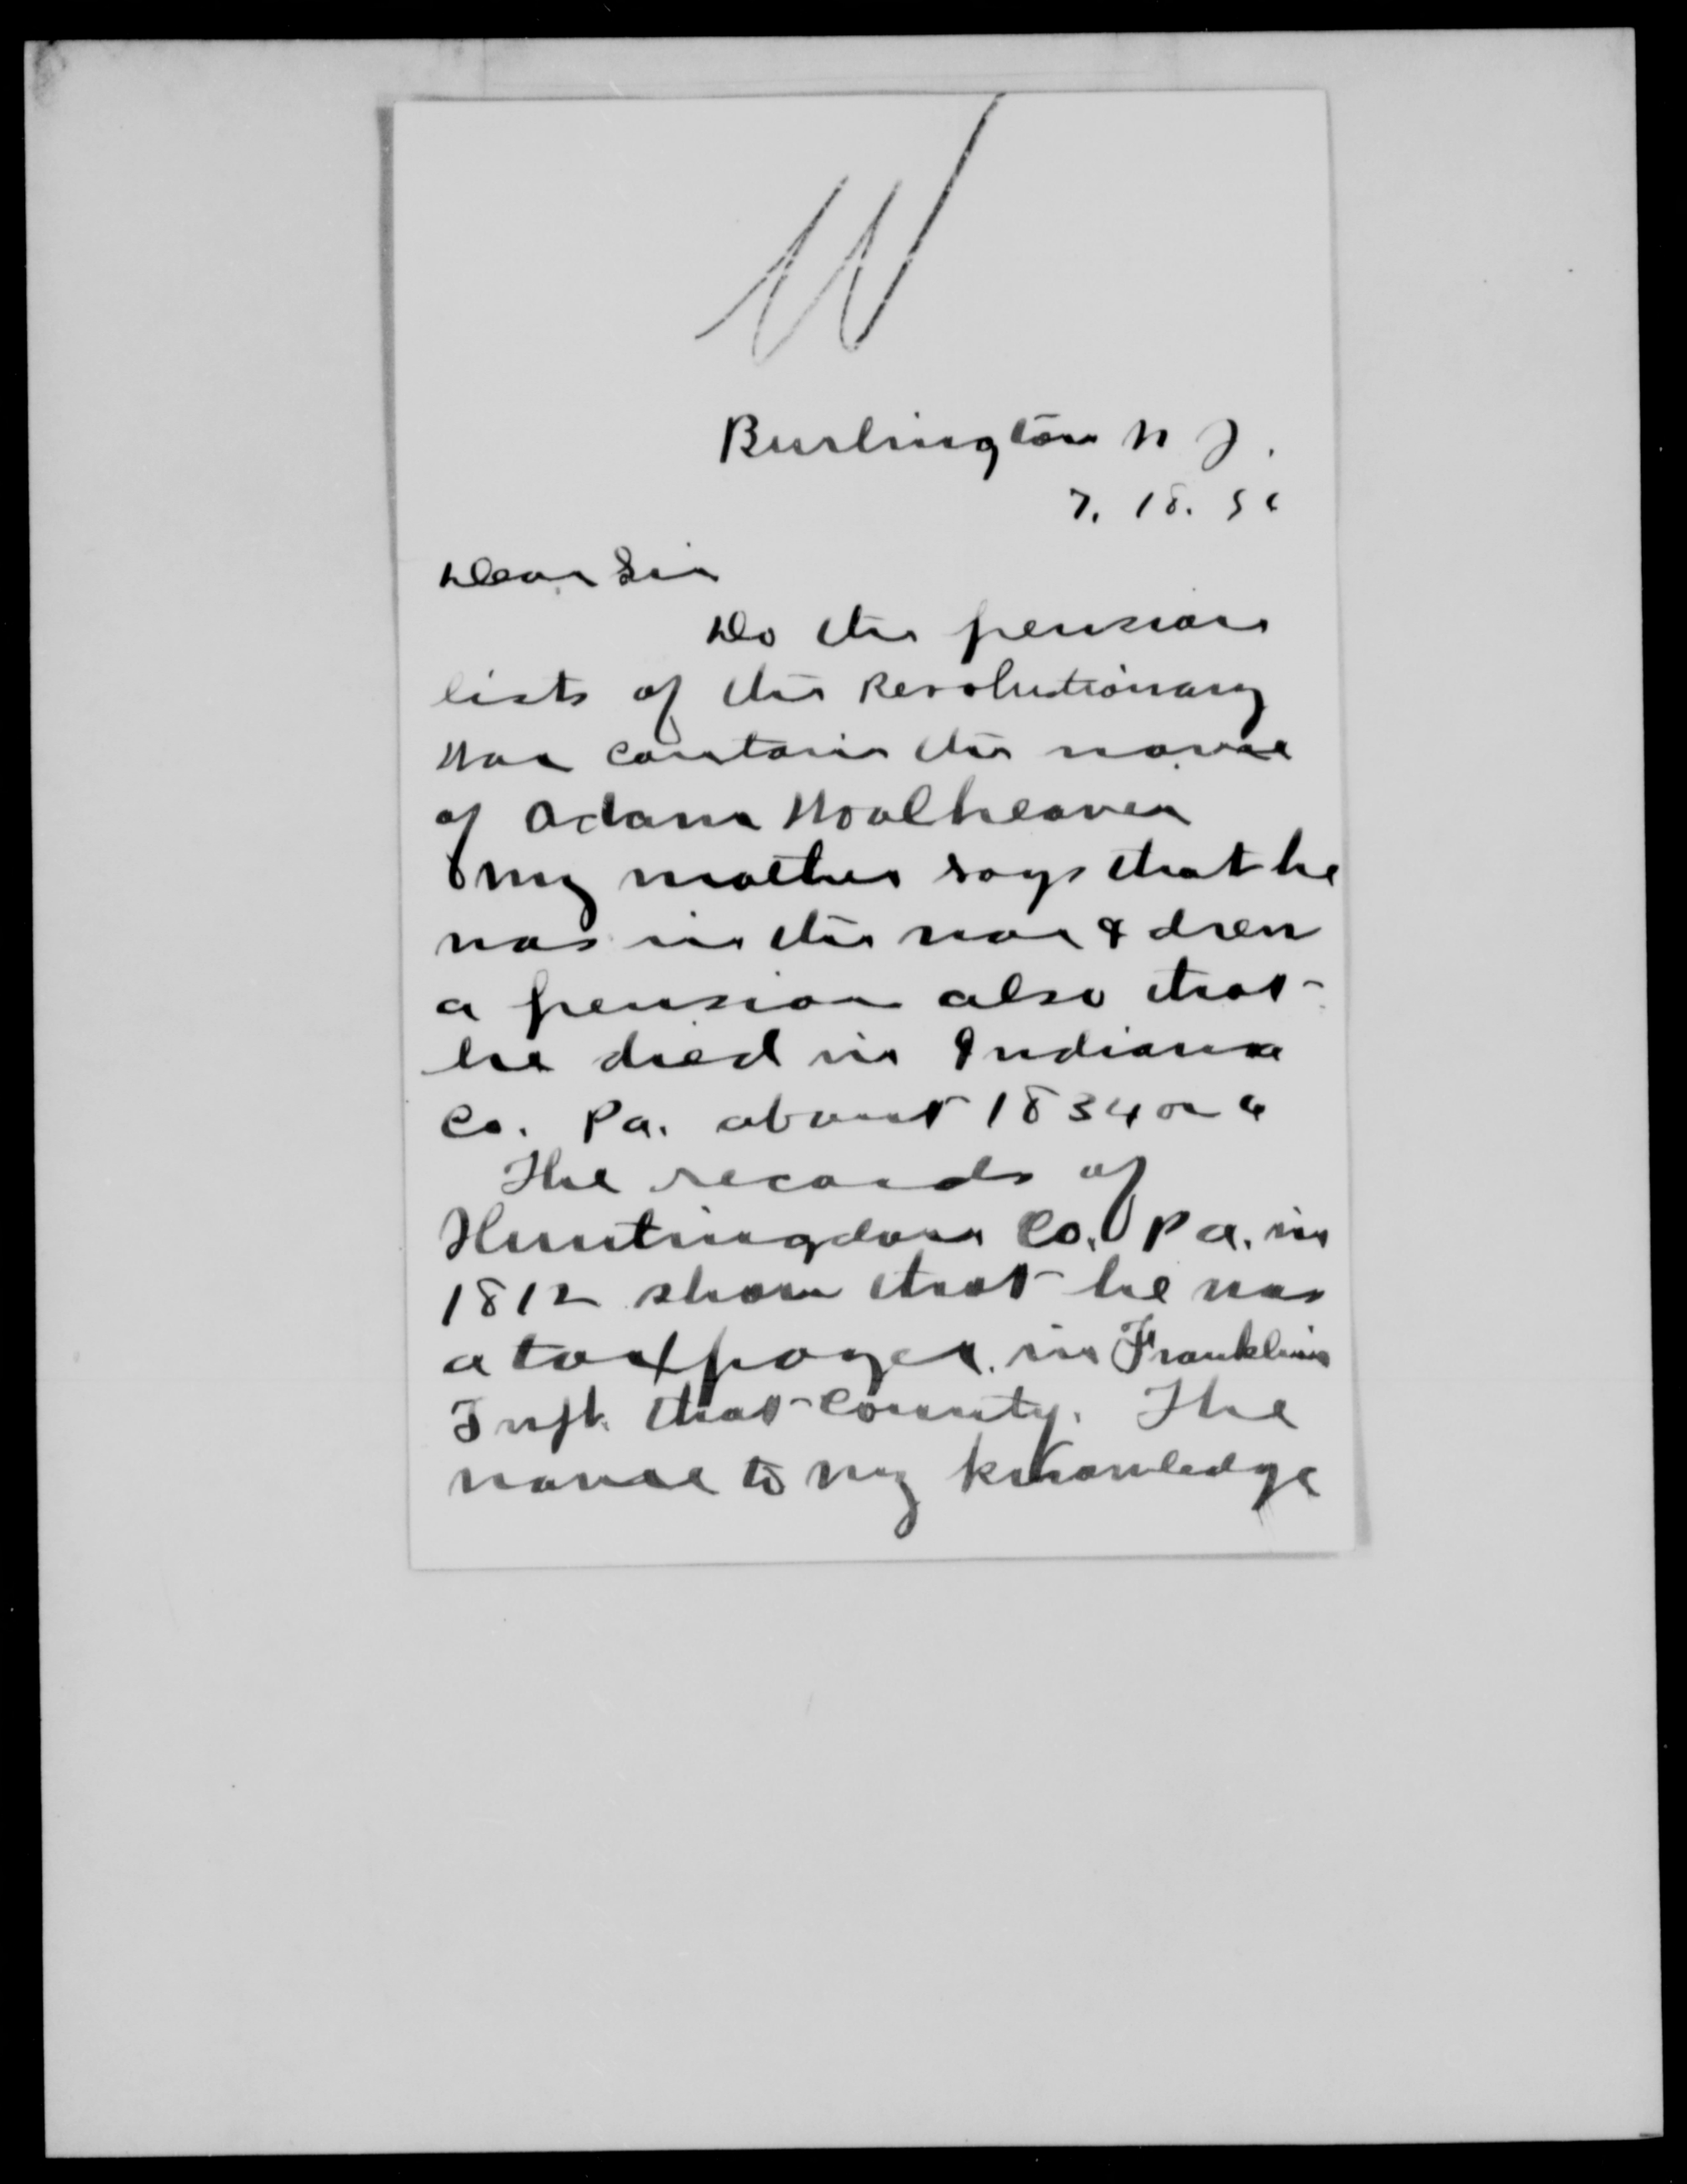#9
Burlington N. J. 7.18.96
Dear Sir
Do the pension
lists of the Revolutionary
war contain the name of
Adam Woolheaver.
My mother says that he
was in the war & drew
a pension also that
he died in Indiana
Co. Pa. about 1834 or 6.
The records of
Huntingdon Co. Pa. in
1812 show that he was a
taxpayer in Franklin
Tnsp [township] that County. The
name to my knowledge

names: Adam Woolheaver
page: 9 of 18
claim: rejected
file: R. 11854, Adam Woolheater, Md.